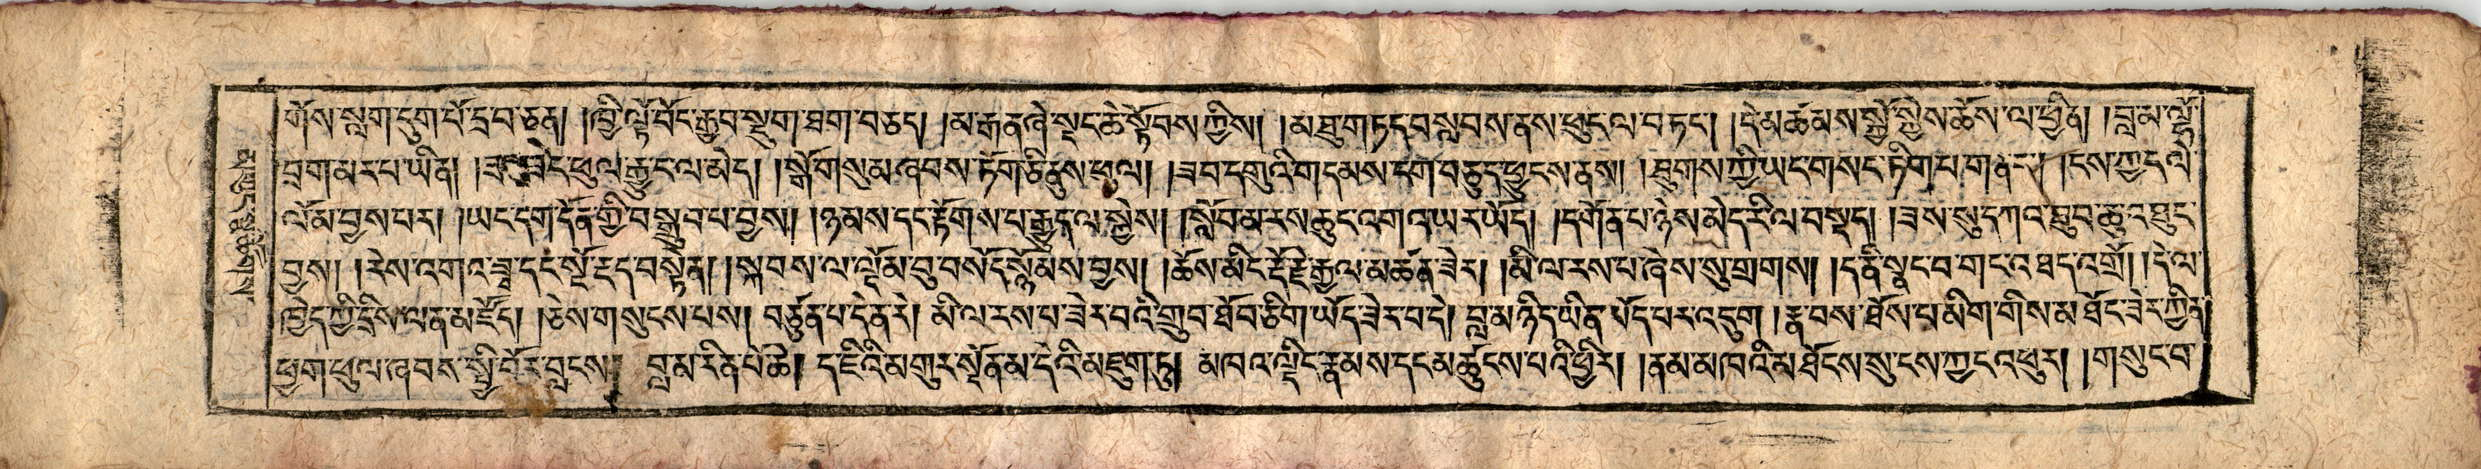གོས་སླག་དུག་པོ་དྲྭ་བ་ཅན། །ཁྱི་ལྟོ་བོང་ཆུང་སྡུག་ཐག་བཅད། །མ་རྒན་ཞེ་སྡང་ཆེ་སྟོབས་ཀྱིས། །མཐུ་གཏད་བསླབས་ནས་ཕུང་ལ་བཏང་། །དེ་མཚམས་སྐྱོ་སྐྱེས་ཆོས་ལ་ཕྱིན། །བླ་མ་ལྷོ་
བྲག་མར་པ་ཡིན། །ཟང་ཟིང་ཕུལ་རྒྱུ་ང་ལ་མེད། །སྒོ་གསུམ་ཞབས་ཏོག་ཅི་ནུས་ཕུལ། །ཟབ་དགུའི་གདམས་ངག་བཅུད་ཕྱུངས་ནས། །ཐུགས་ཀྱི་ཡང་གསང་ཐིག་པ་གནང། །ངས་ཀྱང་ལེ་
ལོ་མ་བྱས་པར། །ཡང་དག་དོན་གྱི་བསྒྲུབ་པ་བྱས། །ཉམས་དང་རྟོགས་པ་རྒྱུད་ལ་སྐྱེས། སློབ་མ་རས་ཆུང་འགའ་ཡར་ཡོད། །དགོན་པ་ཉེས་མེད་རི་ལ་བསྡད། །ཟས་སུ་དཀའ་ཐུབ་ཆུ་འཐུང་
བྱས། །རེས་འགའ་ཟྭ་དང་སྔོ་རྔད་བསྟེན། །སྐབས་ལ་ལྡོམ་བུ་བསོད་སྙོམས་བྱས། །ཆོས་མིང་རྡོ་རྗེ་རྒྱལ་མཚན་ཟེར། །མི་ལ་རས་པ་ཞེས་སུ་གྲགས། །ད་ནི་སྣང་བ་གང་འཐད་འགྲོ། །དེ་ལ་
ཁྱེད་ཀྱི་དྲིས་ལན་མཛོད། །ཅེས་གསུངས་པས། བཙུན་པ་དེ་ན་རེ། མི་ལ་རས་པ་ཟེར་བའི་གྲུབ་ཐོབ་ཅིག་ཡོད་ཟེར་བ་དེ། བླ་མ་ཉིད་ཡིན་བདོ་བར་འདུག། །རྣ་བས་ཐོས་པ་མིག་གིས་མཐོང་ཟེར་ཀྱིན་
ཕྱག་ཕུལ་ཞབས་སྤྱི་བོར་བླངས། བླ་མ་རིན་པོ་ཆེ། ད་ཇིའི་མགུར་སྔོན་མ་དེའི་མཇུག་ཏུ། མཁའ་ལྡིང་རྣམས་དང་མཚུངས་པའི་ཕྱིར། །ནམ་མཁའི་མཐོངས་སུ་ངས་ཀྱང་འཕུར། །གསུང་བ་